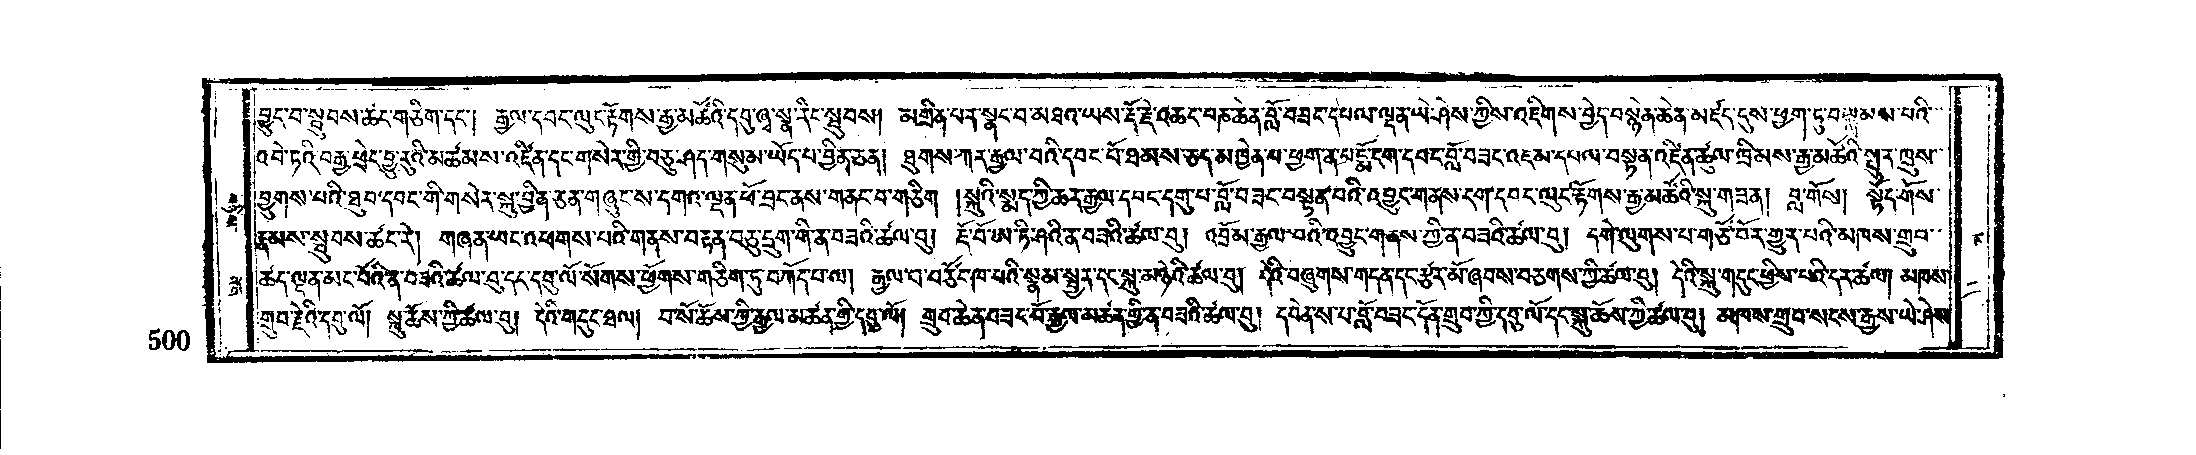བྱུང་བ་སྦུབས་ཚང་གཅིག་དང་། རྒྱལ་དབང་ལུང་རྟོགས་རྒྱ་མཚོའི་དབུ་ཞྭ་སྣ་རིང་སྦུབས། མགྲིན་པར་སྣང་བ་མཐའ་ཡས་རྡོ་རྗེ་འཆང་པཎ་ཆེན་བློ་བཟང་དཔལ་ལྡན་ཡེ་ཤེས་ཀྱིས་འཇིགས་བྱེད་བསྙེན་ཆེན་མཛད་དུས་ཕྱག་ཏུ་བསྣམས་པའི་
འབེ་ཏའི་བརྒྱ་ཕྲེང་བྱུ་རུའི་མཚམས་འཛིན་དང་གསེར་གྱི་བཅུ་ཤད་གསུམ་ཡོད་པ་བྱིན་ཅན། ཐུགས་ཀར་རྒྱལ་བའི་དབང་པོ་ཐམས་ཅད་མཁྱེན་པ་ཕྱག་ན་པདམོ་ངག་དབང་བློ་བཟང་འཇམ་དཔལ་བསྟན་འཛིན་ཚུལ་ཁྲིམས་རྒྱ་མཚོའི་སྤུར་ཁྲུས་
བྱུགས་པའི་ཐུབ་དབང་གི་གསེར་སྐུ་བྱིན་ཅན་གཞུང་ས་དགའ་ལྡན་ཕོ་བྲང་ནས་གནང་བ་གཅིག །སྐུའི་སྨད་ཀྱི་ཆར་རྒྱལ་དབང་དགུ་པ་བློ་བཟང་བསྟན་པའི་འབྱུང་གནས་ངག་དབང་ལུང་རྟོགས་རྒྱ་མཚོའི་སྐུ་གཟན། བླ་གོས། སྟོད་གོས་
རྣམས་སྦུབས་ཚང་རེ། གཞན་ཡང་འཕགས་པའི་གནས་བརྟན་བཅུ་དྲུག་གི་ན་བཟའི་ཚལ་བུ། ཇོ་བོ་ཨ་ཏི་ཤའི་ན་བཟའི་ཚལ་བུ། འབྲོམ་རྒྱལ་བའི་འབྱུང་གནས་ཀྱི་ན་བཟའི་ཚལ་བུ། དགེ་ལུགས་པ་གཙོ་བོར་གྱུར་པའི་མཁས་གྲུབ་
ཚད་ལྡན་མང་པོའི་ན་བཟའི་ཚལ་བུ་དང་དབུ་ལོ་སོགས་ཕྱོགས་གཅིག་ཏུ་བཀོད་པ་ལ། རྒྱལ་བ་བཙོང་ཁ་པའི་སྣམ་སྦྱར་དང་སྐུ་མཉེའི་ཚལ་བུ། དེའི་བཞུགས་གདན་དང་རྩར་མོ་ཞབས་བཅགས་ཀྱི་ཚལ་བུ། དེའི་སྐུ་གདུང་ཕྱིས་པའི་དར་ཚལ། མཁས་
གྲུབ་རྗེའི་དབུ་ལོ། སྐུ་ཆོས་ཀྱི་ཚལ་བུ། དེའི་གདུང་ཐལ། བ་སོ་ཆོས་ཀྱི་རྒྱལ་མཚན་གྱི་དབུ་ལོ། གྲུབ་ཆེན་བཟང་པོ་རྒྱལ་མཚན་གྱི་ན་བཟའི་ཚལ་བུ། དབེན་ས་པ་བློ་བཟང་དོན་གྲུབ་ཀྱི་དབུ་ལོ་དང་སྐུ་ཆོས་ཀྱི་ཚལ་བུ། མཁས་གྲུབ་སངས་རྒྱས་ཡེ་ཤེས་